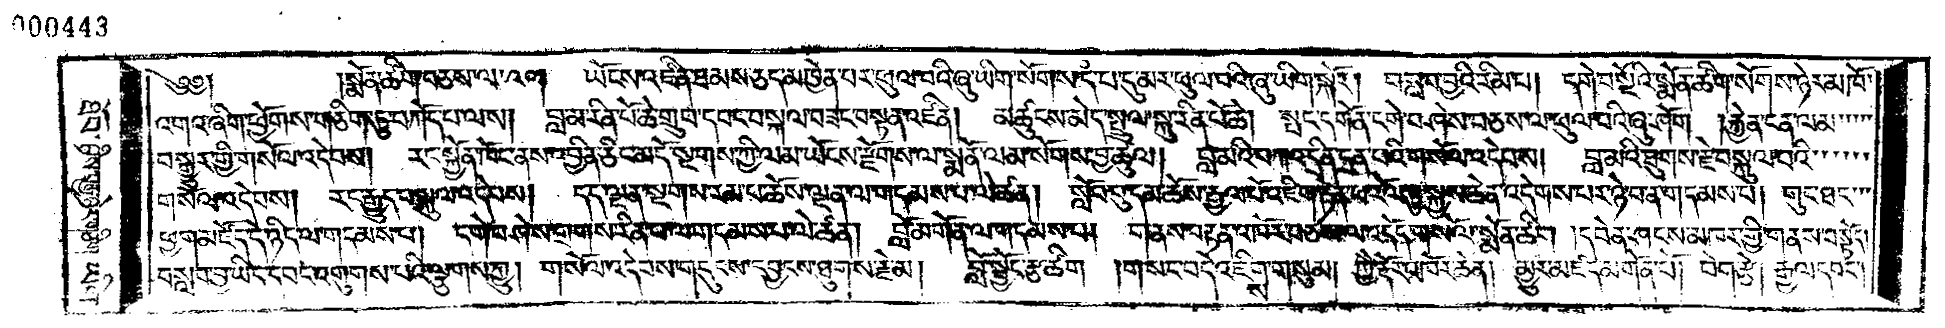༄༅། །སྨོན་ཚིག་བཅས་ལ༢༠། ཡོངས་འཛིན་ཐམས་ཅད་མཁྱེན་པར་ཕུལ་བའི་ཞུ་ཡིག་སོགས་དཾ་པ་དུ་མར་ཕུལ་བའི་ཞུ་ཡིག་སྐོར། བསླབ་བྱའི་རིམ་པ། དགེ་བསྔོའི་སྨོན་ཚིག་སོགས་ཉེར་མཁོ་
འགའ་ཞིག་ཕྱོགས་གཅིག་ཏུ་བཀོད་པ་ལས། བླ་མ་རིན་པོ་ཆེ་གྲུབ་དབང་བསྐལ་བཟང་བསྟན་འཛིན། མཚུངས་མེད་སྤྲུལ་སྐུ་རིན་པོ་ཆེ། སྤང་དགོན་དགེ་བཤེས་བཅས་ལ་ཕུལ་བཞུ་ཤོག །རྐྱེན་ངག་ལམ་
བསྒྱུར་གྱི་གསོལ་འདེབས། རང་སྐྱོན་ཁོང་ནས་འབྱིན་ཅིང་མདོ་སྔགས་ཀྱི་ལམ་ཡོངས་རྫོགས་ལ་སྨོན་ལམ་སོགས་བྱ་ཚུལ། བླ་མའི་བཀའ་དྲིན་དྲན་པའི་གསོལ་འདེབས། བླ་མའི་ཐུ་རྗེ་བསྐུལ་བའི་
གསོལ་འདེབས། རང་རྒྱུད་བསྐུལ་འདེབས། དད་ལྡན་སྔགས་རམ་པ་ཆོས་ལྡན་ལ་གདམས་པ་ལེ་ཚན། སློབ་བུ་དམ་ཆོ་རྒྱ་པོ་འཇིག་རྟེན་ཕ་རོལ་ཏུ་སྐྱས་ཆེན་འདེགས་པར་ཉེ་བ་ན་གདམས་པ། གུང་ཐང་
ཕྱག་མཛོད་དེ་ཉིད་ལ་གདམས་པ། དགེ་བཤེས་གྲགས་རིན་པ་ལ་གདམས་པ་ལེ་ཚན། བློ་མགོན་ལ་གདམས་པ། གནས་བརྟན་འཁོར་བཅས་ལ་འདོད་གསལ་སྨོན་ཚིག །དབེན་ཤངས་མཁར་གྱི་གནས་བསྟོད།
བསླབ་བྱ་ཡིད་དབང་འགུགས་པའི་ལྕགས་ཀྱུ། གསོལ་འདེབས་གདུངས་དབྱངས་ཐུགས་རྗེ་མ། བློ་སྦྱོང་རྩ་ཚིག །གསང་བདེ་འཇིག་གསུམ། ཀྱཻ་རྡོར་འཁོར་ཆེན། མྱུར་མཛད་མགོན་པོ། བེག་རྩེ། རྒྱལ་དབང་།